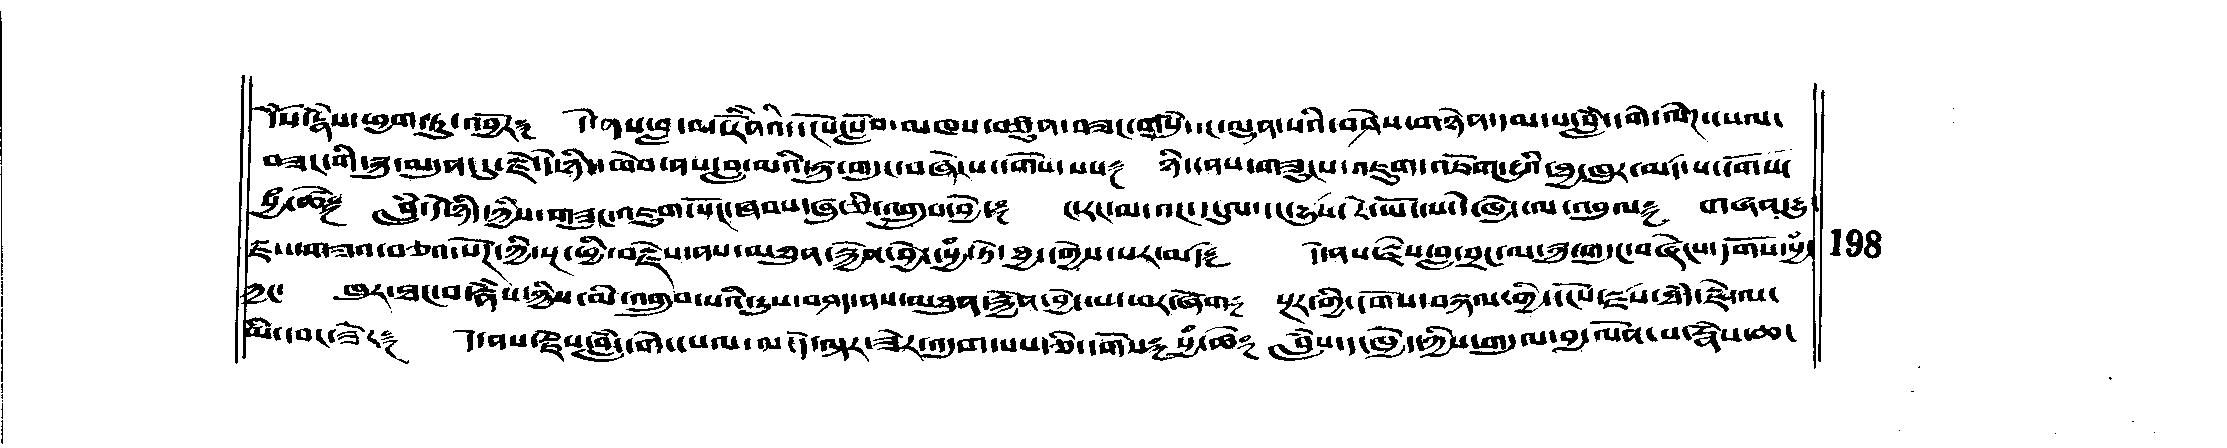དམ་རྫས་རྣམས་ཕྱག་ཏུ་འབྱོར། དེ་ནས་བླ་མ་རིན་པོ་ཆེའི་དངོས་སློབ་མཁས་བཙུན་བཟང་གསུམ་དང་ལྡན་པའི་བཤེས་གཉེན་དམ་པ་བླ་མ་དགེ་ལེགས་དཔལ་
བཟང་གི་སྐུ་མདུན་དུ་རྗེ་དེ་ཉིད་ཕེབས་ནས་བླ་མའི་སྐུ་གདུང་བཞེངས་དགོས་པས། ཉིད་ནས་གཟུངས་འཇུག་འཇོག་རྒྱུའི་ཐུགས་ཁུར་མཛད་པ་དགོས་
གསུང་ཚེ།བླ་མ་དེ་ཉིད་ཀྱིས་གཟུངས་འཇུག་སོགས་ཞབས་ཞུ་ཅི་འགྲུབ་བྱེད། ང་རང་ལའང་དངུལ་དང་རྒྱུ་རྫས་རེ་ཡོད་པ་དེ་ཁྱེད་ལ་འབུལ། གཞན་རྒྱུ་
རྫས་བཟའ་བཅའ་སོགས་ཀྱི་སྔ་ཕྱི་བརྗེས་༼རྗེས?༽ནས་མཐུན་རྐྱེན་བྱེད་གསུངས་ཏེ་ཐུགས་དགྱེས་པར་མཛད། དེ་ནས་རྗེས་བླ་བྲང་ལ་སྐུ་གདུང་བཞེངས་དགོས་གསུང་
ཀྱང་། ཁུར་ཐང་བ་རྣམས་ཀྱིས་མི་འགྲུབ་པའི་རྒྱུས་བཤད་ནས་མཐུན་རྐྱེན་བྱེད་པ་ཕར་ཞོག སྔར་གྱི་དགོས་སྐལ་གྱི་དངོས་རྫས་ཐམས་ཅད་རྗེ་ལ་
མི་དབང་ཟེར། དེ་ནས་རྗེས་བླ་མ་དགེ་དཔལ་ལ་དེ་ལྟར་ཟེར་འདུག་པས་ཅི་དགོས། གསུང་ཚེ། བླ་མས་ད་ཁྱོད་ཀྱིས་གདུལ་བྱ་ལོན་པ་རྣམས་ཆ་